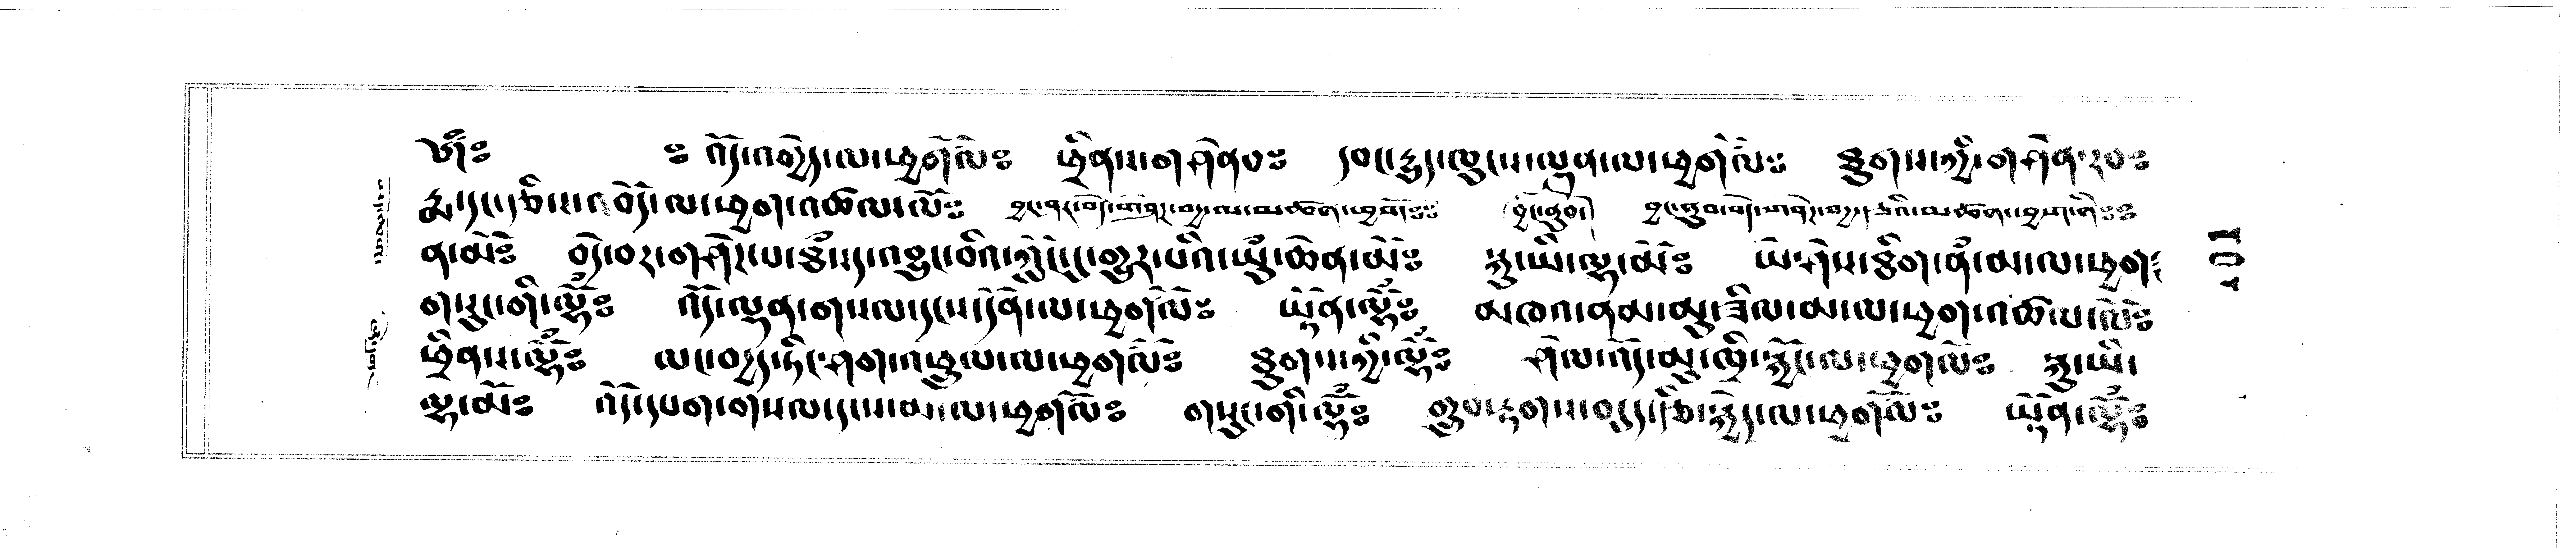འོད་འགྱེད་ལ་ཕྱག་འཚལ་ལོཿ ཕྲིན་ལས་ཀྱི་གཤེན་རབཿ དབང་རྒྱུད་ཁུངས་ལྡན་ལ་ཕྱག་འཚལ་ལོཿ ཐུགས་ཀྱི་གཤེན་རབཿ 
རྨ་དང་རྩིས་འབོད་ལ་ཕྱག་འཚལ་ལོཿ བྱང་ཤར་བདེར་གཤེགས་བརྒྱ་ལ་མཚན་ཕྱག་གོཿ ༼བྱང་ནུབ༽བྱང་ནུབ་བདེར་གཤེགས་བརྒྱ་རྩའི་མཚན་ཕྱག་ནིཿ 
ན་མོ་བདེ་བར་གཤེགས་པ་ཐམས་ཅད་འབྱུང་བའི་ཀློང་དུ་གྱུར་པའི་ཡུམ་ཆེན་མོཿ སྐུ་ཡི་ལྷ་མོཿ ཡེ་ཤེས་ཐིག་ནམ་མ་ལ་ཕྱག་འཚལ་ལོཿ 
གསུང་གི་ལྷ་མོཿ འོད་ལྡན་གསལ་དང་དོད་ལ་ཕྱག་འཚལ་ལོཿ ཡོན་ཏན་གྱི་ལྷ་མོཿ མཁའ་ནམ་མུ་ཟིལ་མ་ལ་ཕྱག་འཚལ་ལོཿ
ཕྲིན་ལས་ཀྱི་ལྷ་མོཿ ལང་བརྒྱད་ཏིང་ཤག་འཕྲུལ་ལ་ཕྱག་འཚལ་ལོཿ ཐུགས་ཀྱི་ལྷ་མོཿ ཤེལ་འོད་མུ་ཁྲི་བསྐྱོད་ལ་ཕྱག་འཚལ་ལོཿ སྐུ་ཡི་
ལྷ་མོཿ འོད་དཔག་གསལ་དང་མ་ལ་ཕྱག་འཚལ་ལོཿ གསུང་གི་ལྷ་མོཿ གྲུབ་རྟགས་བདུད་རྩི་བསྐྱེད་ལ་ཕྱག་འཚལ་ལོཿ ཡོན་ཏན་གྱི་ལྷ་མོཿ